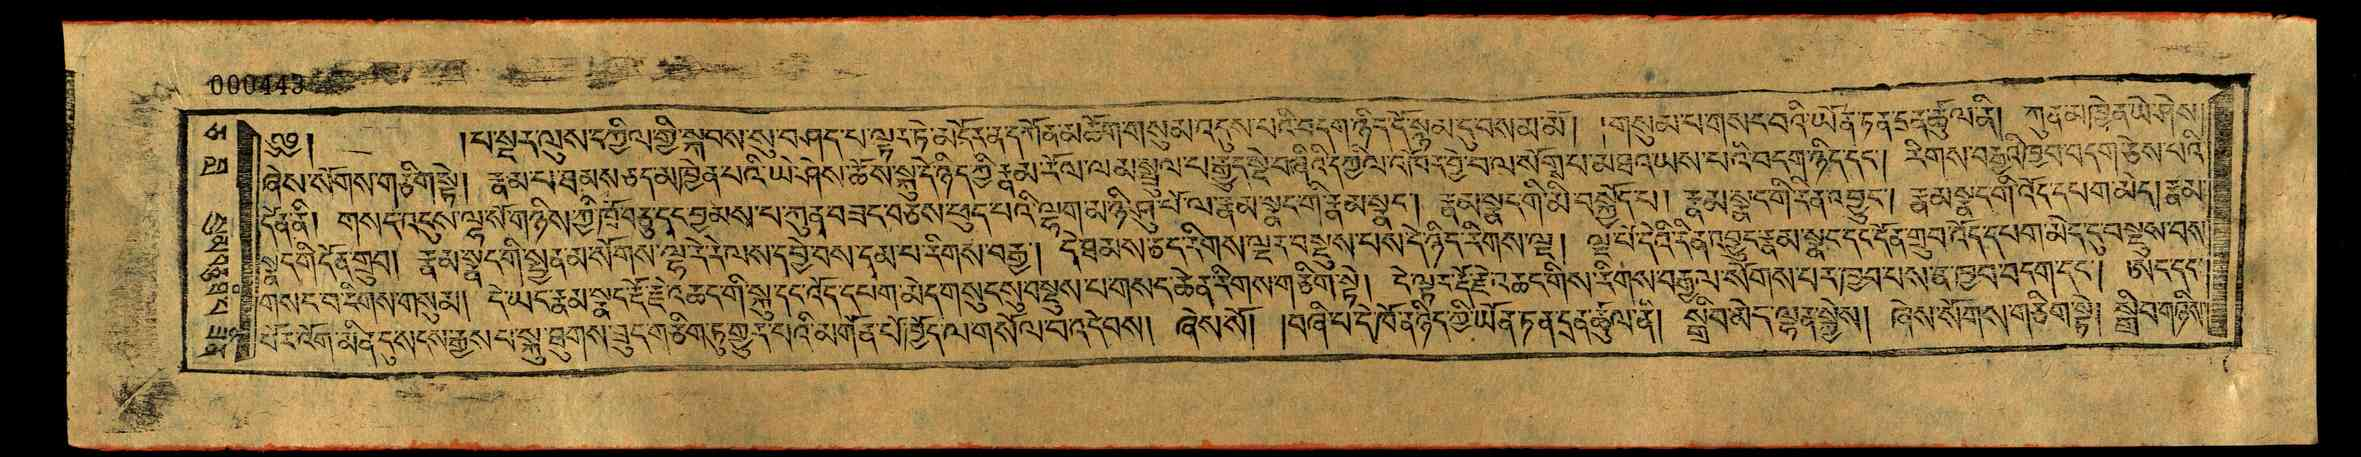༄༅། །པ་སྔར་ལུས་དཀྱིལ་གྱི་སྐབས་སུ་བཤད་པ་ལྟར་ཏེ་མདོར་ན་དཀོན་མཆོག་གསུམ་འདུས་པའི་བདག་ཉིད་དོ་སྙམ་དུ་བསམ་མོ། །གསུམ་པ་གསང་བའི་ཡོན་ཏན་དྲན་ཚུལ་ནི། ཀུན་མཁྱེན་ཡེ་ཤེས།
ཞེས་སོགས་གཅིག་སྟེ། རྣམ་པ་ཐམས་ཅད་མཁྱེན་པའི་ཡེ་ཤེས་ཆོས་སྐུ་དེ་ཉིད་ཀྱི་རྣམ་རོལ་ལམ་སྤྲུལ་པ་རྒྱུད་སྡེ་བཞིའི་དཀྱིལ་འཁོར་བྱེ་བ་ལ་སོགས་པ་མཐའ་ཡས་པའི་བདག་ཉིད་དང་། རིགས་བརྒྱའི་ཁྱབ་བདག་ཅེས་པའི་
དོན་ནི། གསང་འདུས་ལྷ་སོ་གཉིས་ཀྱི་ཁྲོ་བཅུ་དང་བྱམས་པ་ཀུན་བཟང་བཅས་ཕུད་པའི་ལྷག་མ་ཉི་ཤུ་པོ་ལ་རྣམ་སྣང་གི་རྣམ་སྣང་། རྣམ་སྣང་གི་མི་བསྐྱོད་པ། རྣམ་སྣང་གི་རིན་འབྱུང་། རྣམ་སྣང་གི་འོད་དཔག་མེད། རྣམ་
སྣང་གི་དོན་གྲུབ། རྣམ་སྣང་གི་སྤྱན་མ་སོགས་ལྷ་རེ་རེ་ལས་དབྱེ་བས་དམ་པ་རིགས་བརྒྱ། དེ་ཐམས་ཅད་རིགས་ལྔར་བསྡུས་པས་དེ་ཉིད་རིགས་ལྔ། ལྔ་པོ་དེའི་རིན་འབྱུང་རྣམས་སྣང་དང་དོན་གྲུབ་འོད་དཔག་མེད་དུ་བསྡུས་པས་
གསང་བ་རིགས་གསུམ། དེ་ཡང་རྣམ་སྣང་རྡོ་རྗེ་འཆང་གི་སྐུ་དང་འོད་དཔག་མེད་གསུངས་སུ་བསྡུས་པ་གསང་ཆེན་རིགས་གཅིག་སྟེ། དེ་ལྟར་རྡོ་རྗེ་འཆང་གིས་རིགས་བརྒྱ་ལ་སོགས་པར་ཁྱབ་པས་ན་ཁྱབ་བདག་དང་། ཨངྡང་
པོར་འོག་མིན་དུ་སངས་རྒྱས་པ་སྐུ་ཐུགས་ཟུང་གཅིག་ཏུ་གྱུར་པའི་མགོན་པོ་ཁྱོད་ལ་གསོལ་བ་འདེབས། ཞེས་སོ། །བཞི་པ་དེ་ཁོ་ན་ཉིད་ཀྱི་ཡོན་ཏན་དྲན་ཚུལ་ནི། སྒྲིབ་མེད་ལྷན་སྐྱེས། ཞེས་སོགས་གཅིག་སྟེ། སྒྲིབ་གཉིས་